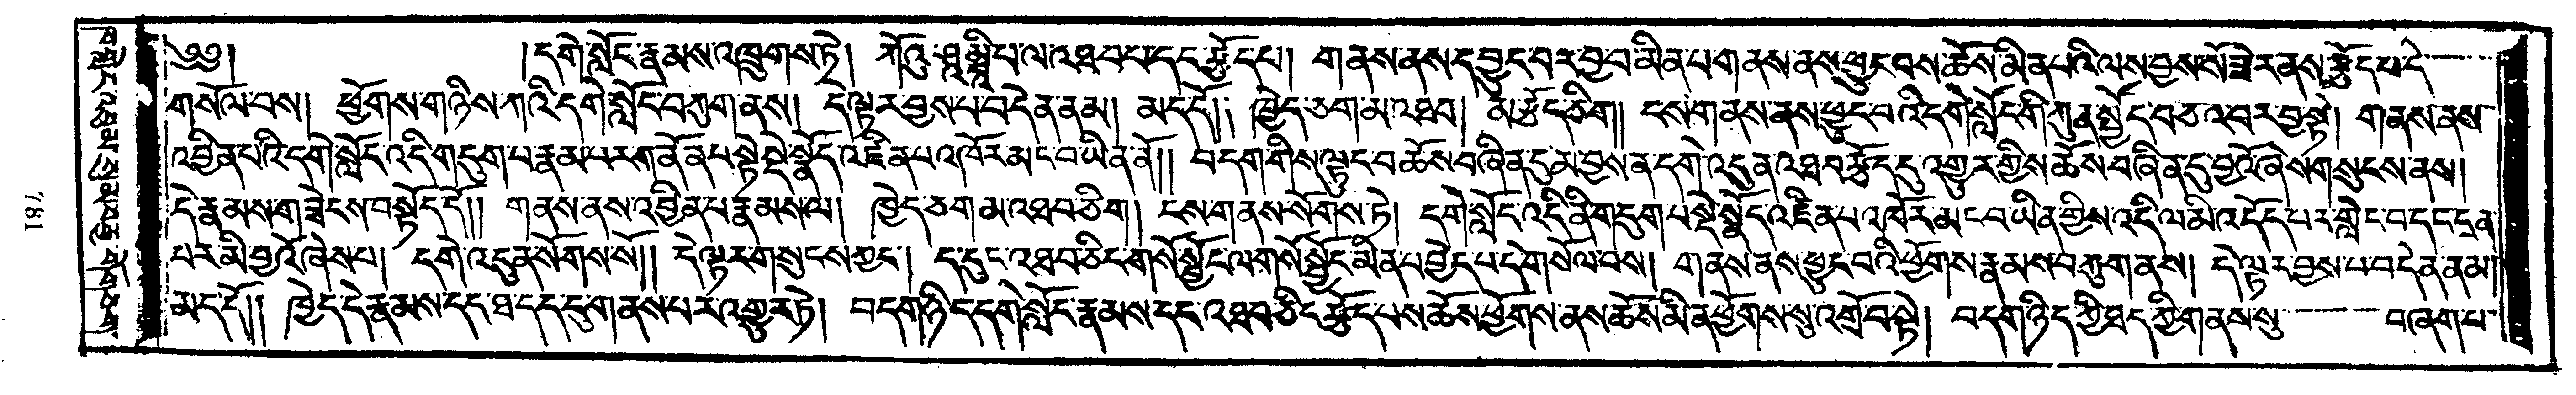༄༅། །དགེ་སློང་རྣམས་འཁྲུགས་ཏེ། ཀོའུ་ཤཱམྦཱི་པ་ལ་འཐབ་པ་དང་རྩོད་པ། གནས་ནས་དབྱུང་བར་བྱ་བ་མིན་པ་གནས་ནས་ཕྱུང་བས་ཆོས་མིན་པའི་ལས་བྱས་སོ་ཟེར་ནས་རྩོད་པ་དེ་
གསོལ་བས། ཕྱོགས་གཉིས་ཀའི་དགེ་སློང་བཀུག་ནས། དེ་ལྟར་བྱས་པ་བདེན་ནམ། མད་དོ།༑ ཁྱེད་ཅག་མ་འཐབ། མ་རྩོད་ཅིག། ངས་གནས་ནས་ཕྱུང་བའི་དགེ་སློང་གི་ཀུན་སྤྱོད་བཅའ་བར་བྱ་སྟེ། གནས་ནས་
འབྱིན་པའི་དགེ་སློང་འདི་གདུག་པ་རྣམ་པར་གནོན་པ་སྟེ་སྡེ་སྣོད་འཛིན་པ་འཁོར་མང་བ་ཡིན་ནོ།། བདག་གིས་ལྟུང་བ་ཆོས་བཞིན་དུ་མ་བྱས་ན་དགེ་འདུན་འཐབ་རྩོད་དུ་འགྱུར་གྱིས་ཆོས་བཞིན་དུ་བྱའོ་ཞེས་གསུངས་ནས།
དེ་རྣམས་གཟེངས་བསྟོད་དོ།། གནས་ནས་འབྱིན་པ་རྣམས་ལ། ཁྱེད་ཅག་མ་འཐབ་ཅིག། ངས་གནས་སོགས་ཏེ། དགེ་སློང་འདི་ནི་གདུག་པ་སྡེ་སྣོད་འཛིན་པ་འཁོར་མང་བ་ཡིན་གྱིས་འདི་ལ་མི་འདོད་པར་གླེང་བ་དང་དྲན་
པར་མི་བྱའོ་ཞེས་པ། དགེ་འདུན་སོགས་སོ།། དེ་ལྟར་གསུངས་ཀྱང་། ད་དུང་འཐབ་ཅིང་གསོ་སྦྱོང་ལ་གསོ་སྦྱོང་མིན་པ་བྱེད་པ་དེ་གསོལ་བས། གནས་ནས་ཕྱུང་བའི་ཕྱོགས་རྣམས་བཀུག་ནས། དེ་ལྟར་བྱས་པ་བདེན་ནམ།
མད་དོ།། ཁྱེད་དེ་རྣམས་དང་ཐ་དད་དུ་གནས་པར་འགྱུར་ཏེ། བདག་ཉིད་དགེ་སློང་རྣམས་དང་འཐབ་ཅིང་རྩོད་པས་ཆོས་ཕྱོགས་ནས་ཆོས་མིན་ཕྱོགས་སུ་འགྲོ་བ་སྟེ། བདག་ཉིད་ཀྱི་ཐད་ཀྱི་གནས་སུ་བཞག་པ་